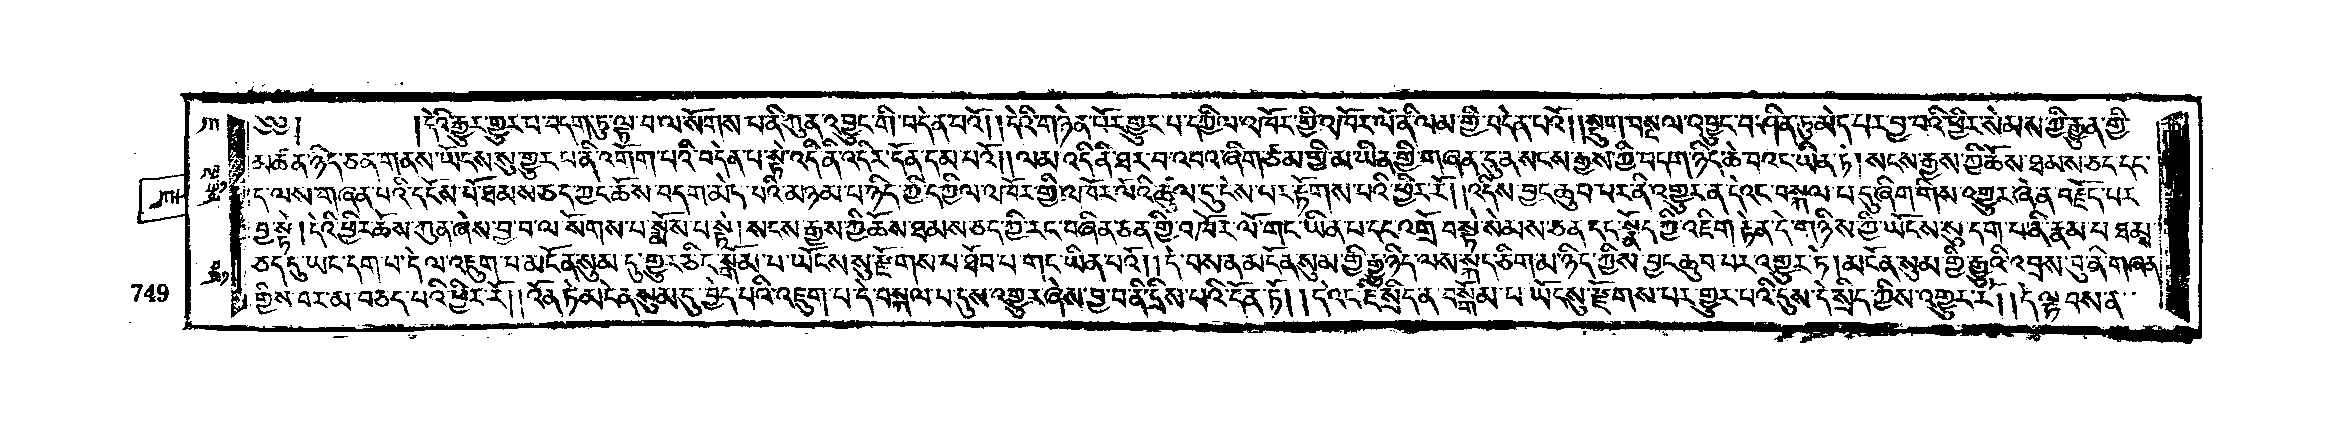༄༅། །དེའི་རྒྱུར་གྱུར་པ་བདག་ཏུ་ལྟ་བ་ལ་སོགས་པ་ནི་ཀུན་འབྱུང་གི་བདེན་པའོ། །དེའི་གཉེན་པོར་གྱུར་པ་དཀྱིལ་འཁོར་གྱི་འཁོར་ལོ་ནི་ལམ་གྱི་བདེན་པའོ། །སྡུག་བསྔལ་འབྱུང་བ་ཤིན་ཏུ་མེད་པར་བྱ་བའི་ཕྱིར་སེམས་ཀྱི་རྒྱུན་གྱི་
མཚན་ཉིད་ཅན་གནས་ཡོངས་སུ་གྱུར་པ་ནི་འགོག་པའི་བདེན་པ་སྟེ་འདི་ནི་འདིར་དོན་དམ་པའོ། །ལམ་འདི་ནི་ཐར་བ་འབའ་ཞིག་ཙམ་གྱི་མ་ཡིན་གྱི་གཞན་དུ་ན་སངས་རྒྱས་ཀྱི་བདག་ཉིད་ཆེ་བའང་ཡིན་ཏེ། སངས་རྒྱས་ཀྱི་ཆོས་ཐམས་ཅད་དང་
དེ་ལས་གཞན་པའི་དངོས་པོ་ཐམས་ཅད་ཀྱང་ཆོས་བདག་མེད་པའི་མཉམ་པ་ཉིད་ཀྱི་དཀྱིལ་འཁོར་གྱི་འཁོར་ལོའི་ཚུལ་དུ་ངེས་པར་རྟོགས་པའི་ཕྱིར་རོ། །འདིས་བྱང་ཆུབ་པར་ནི་འགྱུར་ན་དེའང་བསྐལ་པ་དུ་ཞིག་གིས་འགྱུར་ཞེ་ན་བརྗོད་པར་
བྱ་སྟེ། དེའི་ཕྱིར་ཆོས་ཀུན་ཞེས་བྱ་བ་ལ་སོགས་པ་སྨོས་པ་སྟེ། སངས་རྒྱས་ཀྱི་ཆོས་ཐམས་ཅད་ཀྱི་རང་བཞིན་ཅན་གྱི་འཁོར་ལོ་གང་ཡིན་པ་དང་འགྲོ་བ་སྟེ་སེམས་ཅན་དང་སྣོད་ཀྱི་འཇིག་རྟེན་དེ་གཉིས་ཀྱི་ཡོངས་སུ་དག་པ་ནི་རྣམ་པ་ཐམས་
ཅད་དུ་ཡང་དག་པ་དེ་ལ་འཇུག་པ་མངོན་སུམ་དུ་གྱུར་ཅིང་སྒོམ་པ་ཡོངས་སུ་རྫོགས་པ་ཐོབ་པ་གང་ཡིན་པའོ། །དེ་བས་ན་མངོན་སུམ་གྱི་རྒྱུ་ཉིད་ལས་སྐད་ཅིག་མ་ཉིད་ཀྱིས་བྱང་ཆུབ་པར་འགྱུར་ཏེ། མངོན་སུམ་གྱི་རྒྱུའི་འབྲས་དུ་ནི་གཞན་
གྱིས་བར་མ་བཅད་པའི་ཕྱིར་རོ། །འོན་ཏེ་མངོན་སུམ་དུ་བྱེད་པའི་འཇུག་པ་དེ་བསྐལ་བ་དུས་འགྱུར་ཞེས་བྱ་བ་ནི་དྲིས་པའི་དོན་ཏོ། །དེའང་ཇི་སྲིད་ན་བསྒོམ་པ་ཡོངས་སུ་རྫོགས་པར་གྱུར་པའི་དུས་དེ་སྲིད་ཀྱིས་འགྱུར་རོ། །དེ་ལྟ་བས་ན་